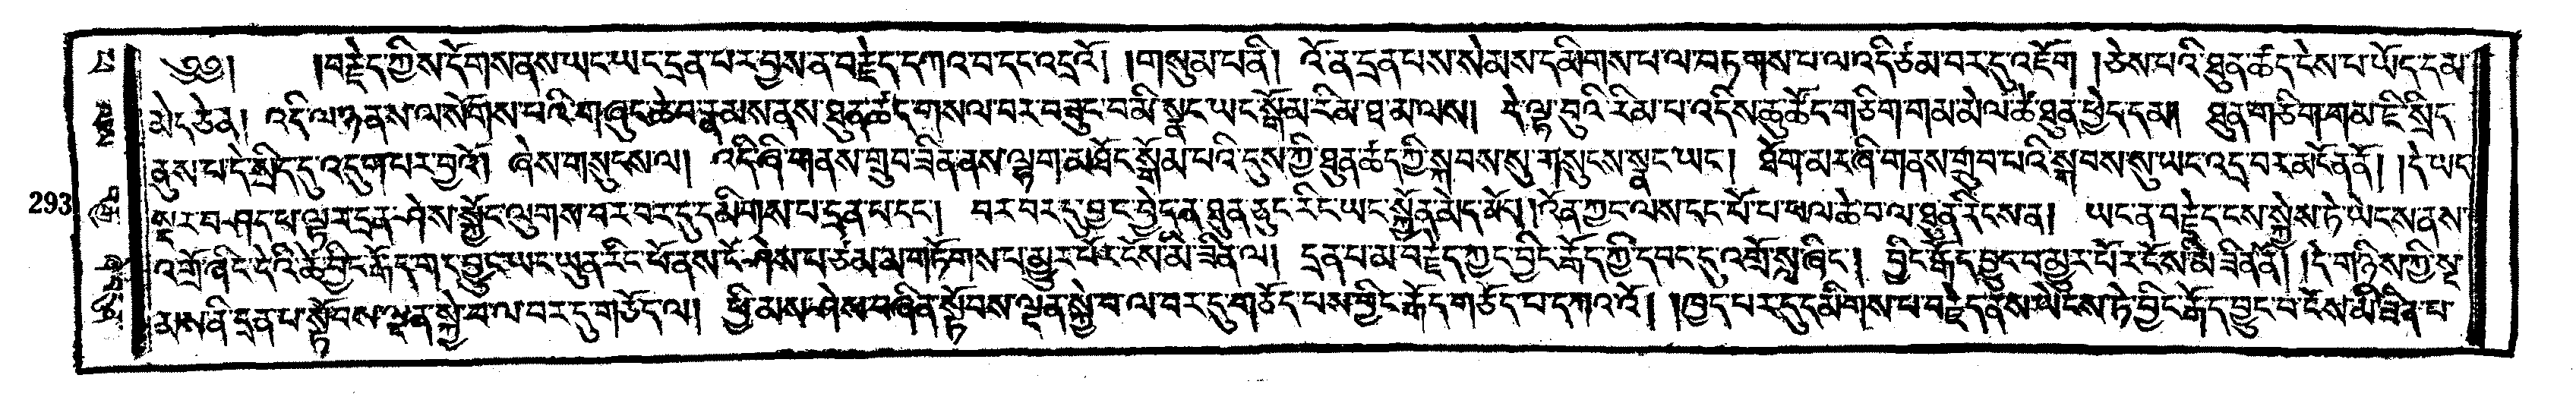༄༅། །བརྗེད་ཀྱིས་དོགས་ནས་ཡང་ཡང་དྲན་པར་བྱས་ན་བརྗེད་དཀའ་བ་དང་འདྲའོ། །གསུམ་པ་ནི། འོ་ན་དྲན་པས་སེམས་དམིགས་པ་ལ་བཏགས་པ་ལ་འདི་ཙམ་བར་དུ་འཇོག །ཅེས་པའི་ཐུན་ཚད་ངེས་པ་ཡོད་དམ་
མེད་ཅེན། འདི་ལ་ཉན་ས་ལ་སོགས་པའི་གཞུང་ཆེ་བ་རྣམས་ནས་ཐུན་ཚད་གསལ་བར་བཟུང་བ་མི་སྣང་ཡང་སྒོམ་རིམ་ཐ་མ་ལས། དེ་ལྟ་བུའི་རིམ་པ་འདིས་ཆུ་ཚོང་གཅིག་གམ་མེ་ལ་ཚེ་ཐུན་ཕྱེད་དམ། ཐུན་གཅིག་གམ་ཇི་སྲིད་
ནུས་པ་དེ་སྲིད་དུ་འདུག་པར་བྱའོ། ཞེས་གསུངས་ལ། འདི་ཞི་གནས་གྲུབ་ཟིན་ནས་ལྷག་མཐོང་སྒོམ་པའི་དུས་ཀྱི་ཐུན་ཚད་ཀྱི་སྐབས་སུ་གསུངས་སྣང་ཡང་། ཐོག་མར་ཞི་གནས་གྲུབ་པའི་སྒབས་སུ་ཡང་འདྲ་བར་མངོན་ནོ། །དེ་ཡང་
སྔར་བཤད་ཕ་ལྟར་དྲན་ཤེས་སྐྱོང་ལུགས་པར་བར་དུ་དམིགས་པ་དྲན་པ་དང་། བར་བར་དུ་བྱང་བྱེད་ན་ཐུན་ཅུང་རིང་ཡང་སྐྱོན་མེད་མོད། །འོན་ཀྱང་ལས་ངང་པོ་པ་ཕལ་ཆེ་བ་ལ་ཐུན་རིངས་ན། ཡང་ན་བརྗེད་ངས་སྐྱེས་ཏེ་ཡེངས་ནས་
འགྲོ་ཞིང་དེའི་ཚེ་བྱིང་རྒོད་གང་བྱུང་ཡང་ཡུན་རིང་ཕོ་ནས་ངོ་ཤེས་པ་ཙམ་མ་གཏོགས་པ་མྱུར་པོར་ངོས་མི་ཟིན་ལ། དྲན་པ་མ་བརྗེད་ཀྱང་བྱིང་རྒོད་ཀྱི་དབང་དུ་འགྲོ་སླ་ཞིང་། བྱིང་རྒོད་བྱུང་བ་མྱུར་པོར་ངོས་མི་ཟིན་ན། །དེ་གཉིས་ཀྱི་སྔ་
མས་ནི་དྲན་པ་སྟོབས་ལྡན་སྐྱེ་བ་ལ་བར་དུ་གཅོད་ལ། ཕྱི་མས་ཤེས་བཞིན་སྟོབས་ལྡན་སྐྱེ་བ་ལ་བར་དུ་གཅོད་པས་ཕྱིང་རྒོད་གཅོད་པ་དཀའ་འོ། །ཁྱད་པར་དུ་དམིགས་པ་བརྗེད་ནས་ཡེངས་ཏེ་བྱིང་རྒོད་བྱུང་བ་ངོས་མི་ཟིན་པ་